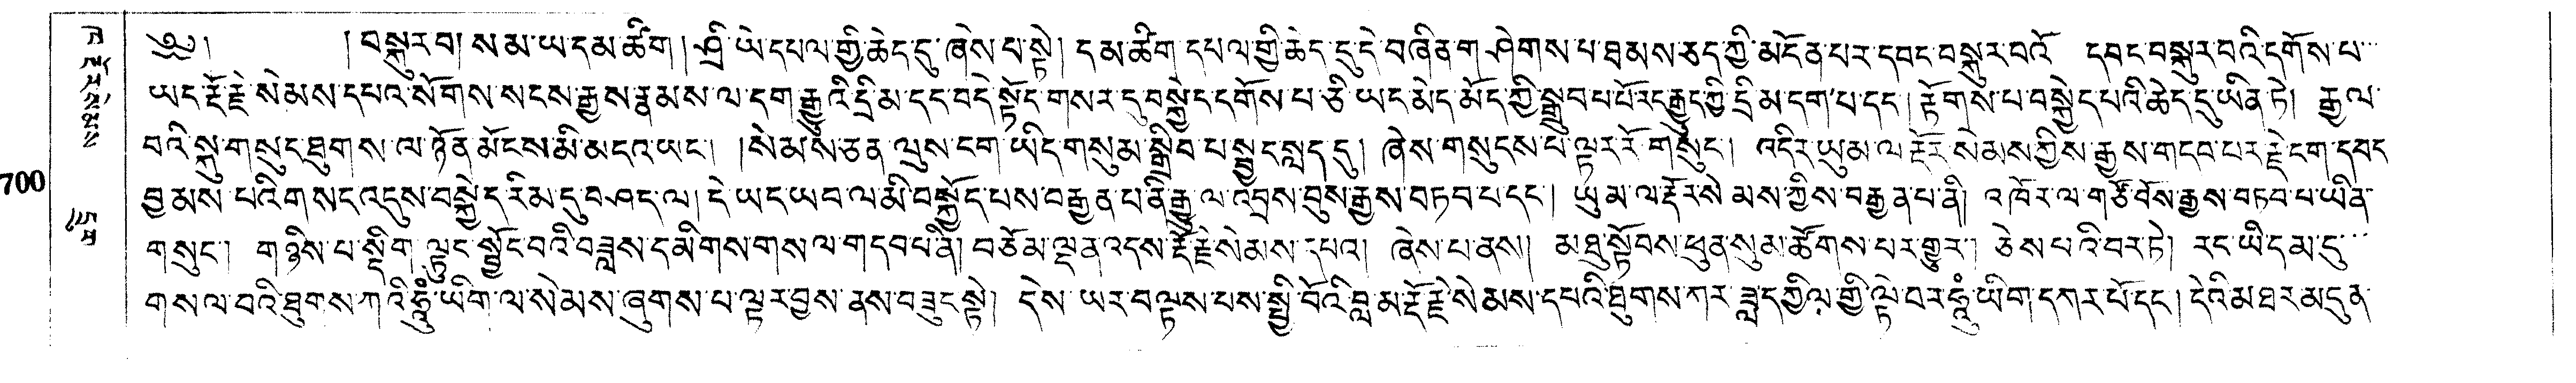༄༅། །བསྐུར་བ། སམ་ཡ་དམ་ཚིག །ཤྲི་ཡེ་དཔལ་གྱི་ཆེད་དུ་ཞེས་པ་སྟེ། དམ་ཚིག་དཔལ་གྱི་ཆེད་དུ་དེ་བཞིན་གཤེགས་པ་ཐམས་ཅད་ཀྱི་མངོན་པར་དབང་བསྐུར་བའོ་དབང་བསྐུར་བའི་དགོས་པ་
ཡང་རྡོ་རྗེ་སེམས་དཔའ་སོགས་སངས་རྒྱས་རྣམས་ལ་དག་རྒྱུའི་དྲི་མ་དང་བདེ་སྟོང་གསར་དུ་བསྐྱེད་དགོས་པ་ཅི་ཡང་མེད་མོད་ཀྱི་སྒྲུབ་པ་པོ་རང་རྒྱུད་ཀྱི་དྲི་མ་དག་པ་དང་། རྟོགས་པ་བསྐྱེད་པའི་ཆེད་དུ་ཡིན་ཏེ། རྒྱལ་
བའི་སྐུ་གསུང་ཐུགས་ལ་ཉོན་མོངས་མི་མངའ་ཡང་། །སེམས་ཅན་ལུས་ངག་ཡིད་གསུམ་སྒྲིབ་པ་སྦྱང་སླད་དུ། ཞེས་གསུངས་པ་ལྟར་རོ་གསུང་། འདིར་ཡུམ་ལ་རྡོར་སེམས་ཀྱིས་རྒྱས་གདབ་པར་རྗེ་ངག་དབང་
བྱམས་པའི་གསང་འདུས་བསྐྱེད་རིམ་དུ་བཤད་ལ། དེ་ཡང་ཡབ་ལ་མི་བསྐྱོད་པས་བརྒྱན་པ་ནི་རྒྱུ་ལ་འབྲས་བུས་རྒྱས་བཏབ་པ་དང་། ཡུམ་ལ་རྡོར་སེམས་ཀྱིས་བརྒྱན་པ་ནི། འཁོར་ལ་གཙོ་བོས་རྒྱས་བཏབ་པ་ཡིན་
གསུང་། གཉིས་པ་སྡིག་ལྟུང་སྦྱོང་བའི་བཟླས་དམིགས་གསལ་གདབ་པ་ནི། བཅོམ་ལྡན་འདས་རྡོ་རྗེ་སེམས་དཔའ། ཞེས་པ་ནས། མཐུ་སྟོབས་ཕུན་སུམ་ཚོགས་པར་གྱུར། ཅེས་པའི་བར་ཏེ། རང་ཡི་དམ་དུ་
གསལ་བའི་ཐུགས་ཀའི་ཧཱུཾ་ཡིག་ལ་སེམས་ཞུགས་པ་ལྟར་བྱས་ནས་བཟུང་སྟེ། དེས་ཡར་བལྟས་པས་སྤྱི་བོའི་བླ་མ་རྡོ་རྗེ་སེམས་དཔའི་ཐུགས་ཀར་ཟླ་དཀྱིལ་གྱི་ལྟེ་བར་ཧཱུཾ་ཡིག་དཀར་པོ་དང་། དེའི་མཐར་མདུན་